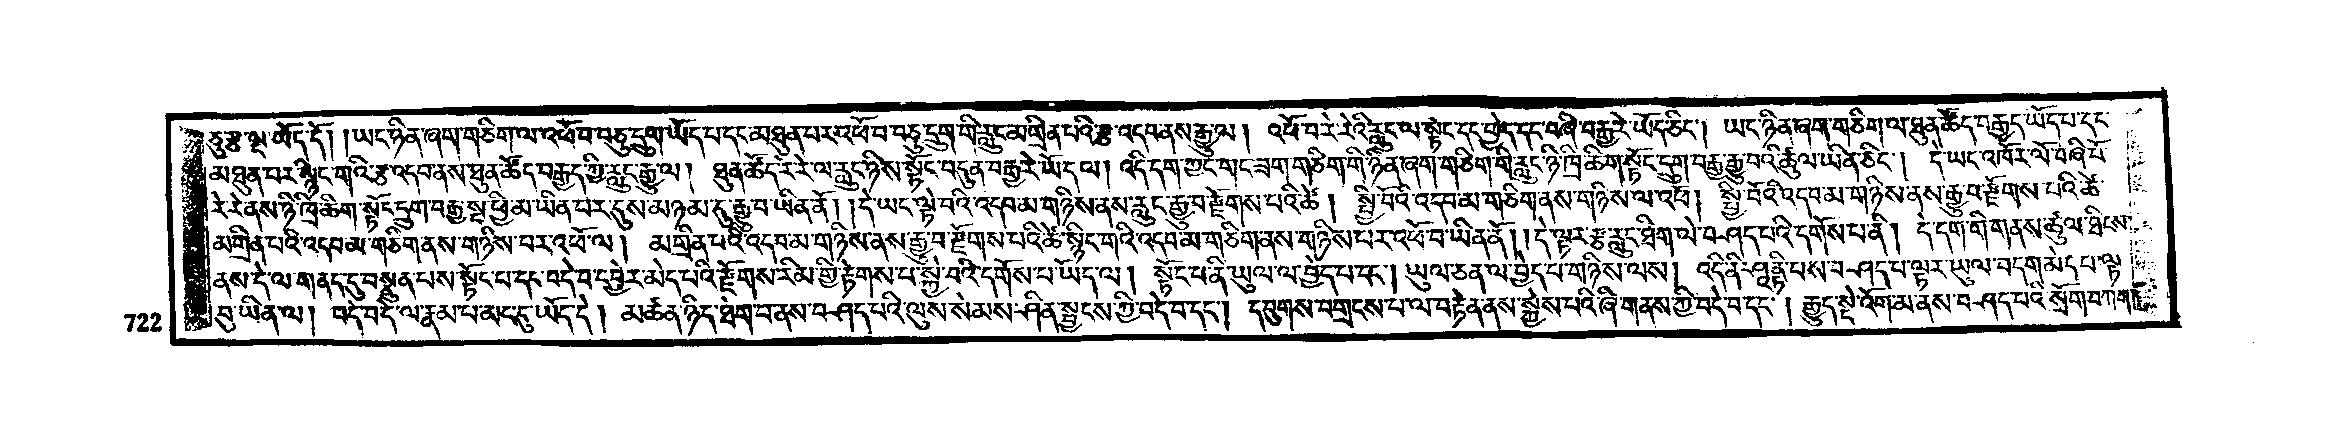ཅུ་རྩ་ལྔ་ཡོད་དོ། །ཡང་ཉིན་ཞག་གཅིག་ལ་འཕོ་བ་བཅུ་དྲུག་ཡོད་པ་དང་མཐུན་པར་འཕོ་བ་བཅུ་དྲུག་གི་རླུང་མགྲིན་པའི་རྩ་འདབ་ནས་རྒྱུ་ལ། འཕོ་བ་རེ་རེའི་རླུང་ལ་སྟོང་དང་ཕྱེད་དང་བཞི་བརྒྱ་རེ་ཡོད་ཅིང་། ཡང་ཉིན་ཞག་གཅིག་ལ་ཐུན་ཚོད་བརྒྱད་ཡོད་པ་དང་
མཐུན་པར་སྙིང་གའི་རྩ་འདབ་ནས་ཐུན་ཚོད་བརྒྱད་ཀྱི་རླུང་རྒྱུ་ལ། ཐུན་ཚོད་རེ་རེ་ལ་རླུང་ཉིས་སྟོང་བདུན་བརྒྱ་རེ་ཡོད་ལ། འདི་དག་ཀྱང་གང་ཟག་གཅིག་གི་ཉིན་ཞག་གཅིག་གི་རླུང་ཉི་ཁྲི་ཆིག་སྟོང་དྲུག་བརྒྱ་རྒྱུ་བའི་ཚུལ་ཡིན་ཅིང་། དེ་ཡང་འཁོར་ལོ་བཞི་པོ་
རེ་རེ་ནས་ཉི་ཁྲི་ཆིག་སྟོང་དྲུག་བརྒྱ་སྔ་ཕྱི་མ་ཡིན་པར་དུས་མཉམ་དུ་རྒྱུ་བ་ཡིན་ནོ། །དེ་ཡང་ལྟེ་བའི་འདབ་མ་གཉིས་ནས་རླུང་རྒྱུ་བ་རྫོགས་པའི་ཚེ། སྤྱི་བོའི་འདབ་མ་གཅིག་ནས་གཉིས་ལ་འཕོ། སྤྱི་བོའི་འདབ་མ་གཉིས་ནས་རྒྱུ་བ་རྫོགས་པའི་ཚེ་
མགྲིན་པའི་འདབ་མ་གཅིག་ནས་གཉིས་པར་འཕོ་ལ། མགྲིན་པའི་འདབ་མ་གཉིས་ནས་རྒྱུ་བ་རྫོགས་པའི་ཚེ་སྙིང་གའི་འདབ་མ་གཅིག་ནས་གཉིས་པར་འཕོ་བ་ཡིན་ནོ། །དེ་ལྟར་རྩ་རླུང་ཐིག་ལེ་བཤད་པའི་དགོས་པ་ནི། དེ་དག་གི་གནས་ཚུལ་ཐིངས་
ནས་དེ་ལ་གནད་དུ་བསྣུན་པས་སྟོང་པ་དང་བདེ་བ་དབྱེར་མེད་པའི་རྫོགས་རིམ་གྱི་རྟོགས་པ་སྐྱེ་བའི་དགོས་པ་ཡོད་ལ། སྟོང་པ་ནི་ཡུལ་ལ་བྱེད་པ་དང་། ཡུལ་ཅན་ལ་བྱེད་པ་གཉིས་ལས། འདི་ནི་ཤཱནྟི་པས་བཤད་པ་ལྟར་ཡུལ་བདག་མེད་པ་ལྟ་
བུ་ཡིན་ལ། བདེ་བདེ་ལ་རྣམ་པ་མང་དུ་ཡོད་དེ། མཚན་ཉིད་ཐེག་པ་ནས་བཤད་པའི་ལུས་སེམས་ཤིན་སྦྱངས་ཀྱི་བདེ་བ་དང་། དབུགས་བགྲངས་པ་ལ་བརྟེན་ནས་སྐྱེས་པའི་ཞི་གནས་ཀྱི་བདེ་བ་དང་། རྒྱུད་སྡེ་འོག་མ་ནས་བཤད་པའི་སྲོག་བཀག་